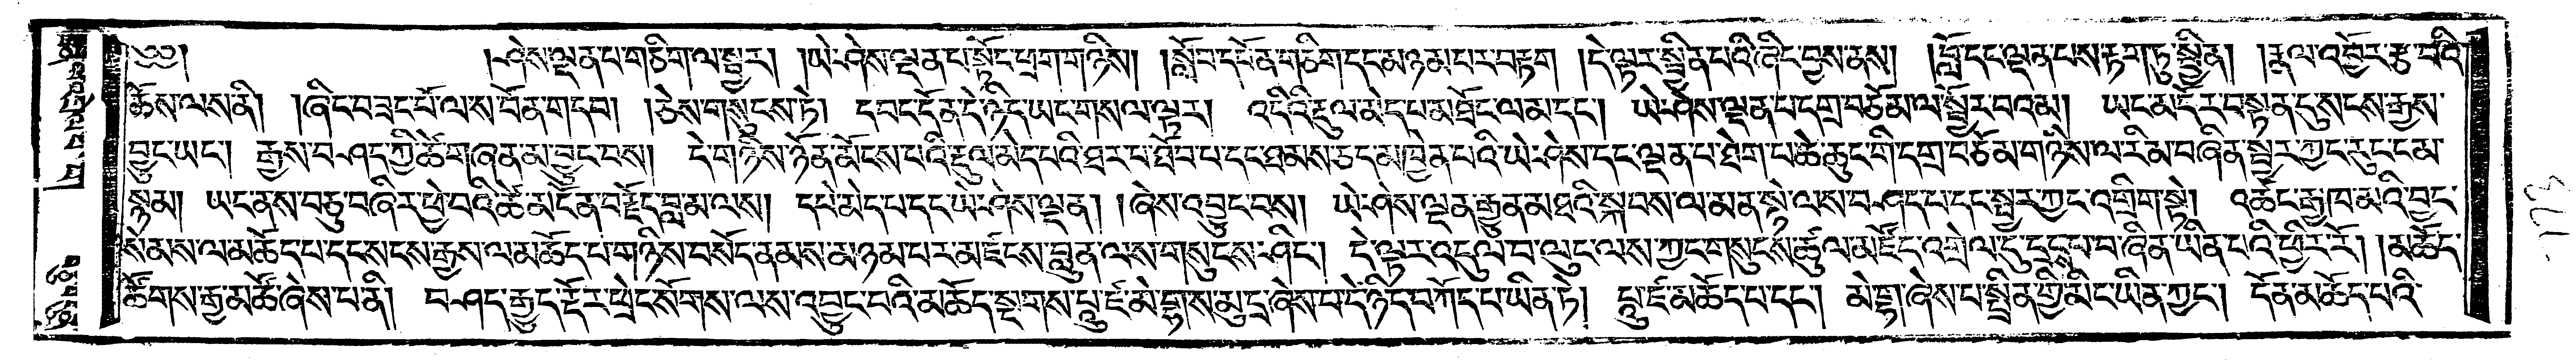༄༅། །ཤེས་ལྡན་པ་གཅིག་ལ་སྦྱར། །ཡེ་ཤེས་ལྡན་པ་སྟོང་ཕྲག་གཉིས། །སློབ་དཔོན་གཅིག་དང་མཉམ་པར་བརྟག །དེ་ལྟར་སྦྱིན་པའི་ཞིང་བྱས་ནས། །བློ་དང་ལྡན་པས་རྟག་ཏུ་སྦྱིན། །རྣལ་འབྱོར་རྩ་བའི་
ཆོས་ལས་ནི། །ཞིང་བཟང་པོ་ལ་ས་བོན་གདབ། །ཅེས་གསུངས་ཏེ། དབང་དོན་དེ་ཉིད་ཡང་གསལ་ལྟར། འདིའི་རྡུལ་མེད་པ་མཐོང་ལམ་དང་། ཡེ་ཤེས་ལྡན་པ་དགྲ་བཅོམ་ལ་སྦྱོར་བའམ། ཡང་མདོར་བསྟན་དུ་སངས་རྒྱས་
བྱུང་ཡང་། རྒྱས་བཤད་ཀྱི་ཆེ་གཞན་མ་བྱུང་བས། དེ་གཉིས་ཉོན་མོངས་པའི་རྡུལ་མེད་པའི་ཐར་པ་ཐོབ་པ་དང་ཐམས་ཅད་མཁྱེན་པའི་ཡེ་ཤེས་དང་ལྡན་པ་ཐེག་པ་ཆེ་ཆུང་གི་དགྲ་བཅོམ་གཉིས་ལ་རིམ་བཞིན་སྦྱར་ཀྱང་རུང་ངམ་
སྙམ། ཡང་ནས་བཅུ་བཞིར་ཕྱེ་བའི་ཚེ་མངོན་བརྗོད་བླ་མ་ལས། དཔེ་མེད་པ་དང་ཡེ་ཤེས་ལྡན། །ཞེས་འབྱུང་བས། ཡེ་ཤེས་ལྡན་རྒྱུན་མཐའི་སྐབས་ལ་མན་སྙེ་ལས་བཤད་པ་དང་སྦྱར་ཀྱང་འགྲིག་སྟེ། འཚང་རྒྱ་ཁ་མའི་བྱང་
སེམས་ལ་མཆོད་པ་དང་སངས་རྒྱས་ལ་མཆོད་པ་གཉིས་བསོད་ནམས་མཉམ་པར་མཛངས་བླུན་ལས་གསུངས་ཤིང་། དེ་ལྟར་འདུལ་བ་ལུང་ལས་ཀྱང་གསུངས་ཚུལ་མཛོད་འགྲེལ་དུ་དྲངས་པ་བཞིན་ཡིན་པའི་ཕྱིར་རོ། །མཆོད་
ཚོགས་རྒྱ་མཚེ་ཞེས་པ་ནི། བཤད་རྒྱུད་རྡོར་ཕྲེང་སོགས་ལས་འབྱུང་བའི་མཆོད་སྔགས་པཱུ་ཛ་མེ་གྷ་ས་མུ་དྲ་ཞེས་པ་དེ་ཉིད་བཀོད་པ་ཡིན་ཏེ། པཱུ་ཛ་མཆོད་པ་དང་། མེ་གྷ་ཞེས་པ་སྤྲིན་གྱི་མིང་ཡིན་ཀྱང་། དོན་མཆོད་པའི་